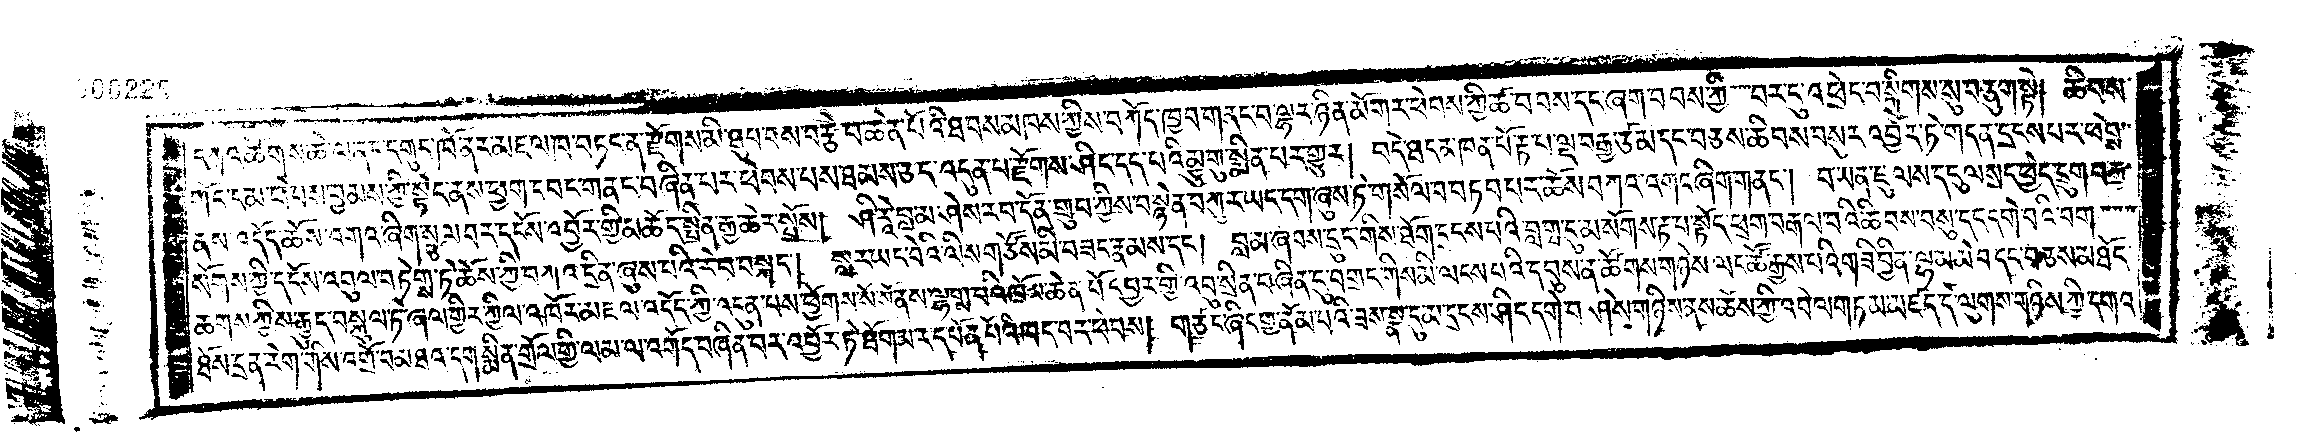དཀའ་ཚེགས་ཆེ་ལ་ནང་དགུང་ཁོ་ནར་མཇལ་ཁ་བཏང་ན་རྫོགས་མི་ཐུབ་པས་བརྩེ་བ་ཆེན་པོའི་ཐབས་མཁས་ཀྱིས་བཀོད་ཁྱབ་གནང་བ་ལྟར་ཉིན་མོ་གར་ཕེབས་ཀྱི་ཚ་བབས་དང་ཞག་བབས་ཀྱི་བར་དུ་འཕྲེང་བསྒྲིགས་སུ་བཅུག་སྟེ། ཆིབས་
གོང་ངམ་ཕེབས་བྱམས་ཀྱི་སྟེང་ནས་ཕྱག་དབང་གནང་བཞིན་པར་ཕེབས་པས་ཐམས་ཅད་འདུན་པ་རྫོགས་ཤིང་དད་པའི་མྱུ་གུ་སྨིན་པར་གྱུར། བདེ་ཐད་མཁན་པོ་རྟ་པ་ལྔ་བརྒྱ་ཙམ་དང་བཅས་ཆིབས་བསུར་འབྱོར་ཏེ་གདན་དྲངས་པར་ཕེབས་
ནས་འདོད་ཆོས་འགའ་ཞིག་སྩལ་བར་དངོས་འབྱོར་གྱི་མཆོད་སྤྲིན་རྒྱ་ཆེར་སྤྲོས། ཤི་རE་བླ་མ་ཤེས་རབ་དོན་གྲུབ་ཀྱིས་བསྙེན་བཀུར་ཡང་དག་ཞུས་ཏེ་གསོལ་བ་བཏབ་པར་ཆོས་བཀའ་འགའ་ཞིག་གནང་། བ་ཡན་ཇུ་ལས་དངུལ་སྲང་ཕྱེད་དྲུག་བརྒྱ་
སོགས་ཀྱི་དངོས་འབུལ་བཏེགས་ཏེ་ཆོས་ཀྱི་བཀའ་དྲིན་ཞུས་པའི་རེ་བ་བསྐང་། སླར་ཡང་པེའི་ལིས་གཙོས་མི་བཟང་རྣམས་དང་། བླ་མ་ཞབས་དྲུང་གིས་ཐོག་དྲངས་པའི་བླ་གྲྭ་དུ་མ་སོགས་རྟ་པ་སྟོང་ཕྲག་བརྒལ་བའི་ཆིབས་བསུ་དང་དགེ་བའི་བག་
ཆགས་ཀྱིས་རྒྱུད་བསྐུལ་ཏེ་ཞལ་གྱི་དཀྱིལ་འཁོར་མཇལ་འདོད་ཀྱི་འདུན་པས་ཕྱོགས་སོ་སོ་ནས་ལྷགས་པའི་ཁྲོམ་ཆེན་བོ་དབྱར་གྱི་འབུ་སྲིན་བཞིན་དུ་བགྲང་གིས་མི་ལངས་པའི་དབུས་ན་ཚོགས་གཉིས་ལང་ཚོ་རྒྱས་པའི་གཟི་བྱིན་ལྷམ་མེ་བ་དང་བཅས་མཐོང་
ཐོས་དྲན་རེག་གིས་འགྲོ་བ་མཐའ་དག་སྨིན་གྲོལ་གྱི་ལམ་ལ་འགོད་བཞིན་པར་འབྱོར་ཏེ་ཐོག་མར་དཔོན་པོའི་ཁང་བར་ཕེབས། གཙང་ཞིང་གྱ་ནོམ་པའི་ཟས་སྣ་དུ་མ་དྲངས་ཤིང་དགེ་བཤེས་གཉིས་ནས་ཆོས་ཀྱི་འབེལ་གཏན་མཛད་དེ་ལུགས་གཉིས་ཀྱི་དགའ་